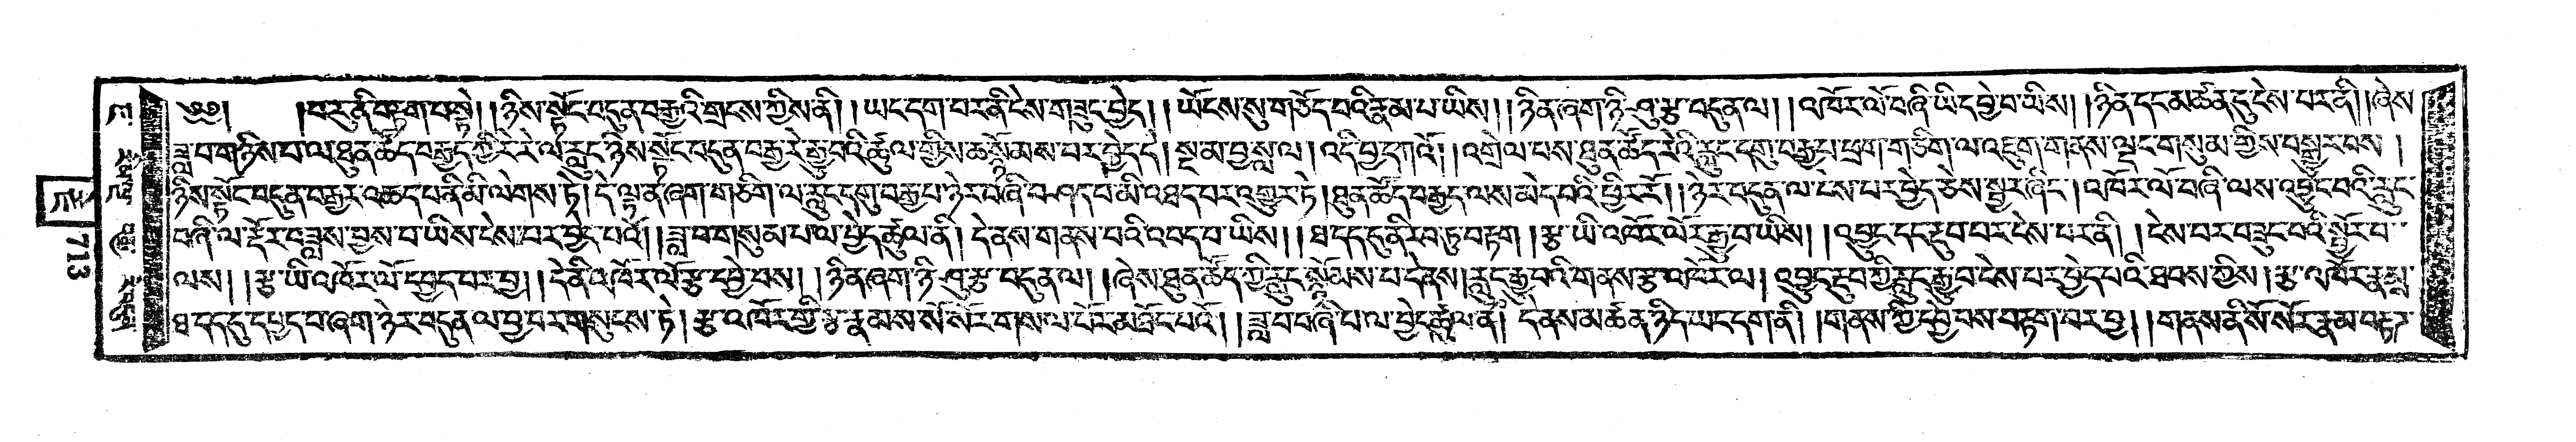༄༅། །བ་རུ་ནི་བརྟག་པ་སྟེ། །ཉིས་སྟོང་བདུན་བརྒྱའི་གྲངས་ཀྱིས་ནི། །ཡང་དག་པར་ནི་ངེས་གཟུང་བྱེད། །ཡོངས་སུ་གཅོད་པའི་རྣམ་པ་ཡིས། །ཉིན་ཞག་ཉི་ཤུ་རྩ་བདུན་ལ། །འཁོར་ལོ་བཞི་ཡི་དབྱེ་བ་ཡིས། །ཉིན་དང་མཚན་དུ་ངེས་པར་ནི། །ཞེས་
ཟླ་བ་གཉིས་པ་ལ་ཐུན་ཚོད་བརྒྱད་ཀྱི་རེ་རེ་ལ་རླུང་ཉིས་སྟོང་བདུན་བརྒྱ་རེ་རྒྱུ་བའི་ཚུལ་གྱིས་ཆ་སྙོམས་པར་བྱེད་དེ། སྔ་མ་བྱ་སླ་ལ། འདི་བྱ་དཀའོ། །འགྲེལ་པས་ཐུན་ཚོད་རེའི་རླུང་དགུ་བརྒྱ་པ་ཕྲག་གཅིག་ལ་འཇུག་གནས་ལྡང་གསུམ་གྱིས་བསྒྱུར་བས།
ཉིས་སྟོང་བདུན་བརྒྱར་འཆད་པ་ནི་མི་ལེགས་ཏེ། དེ་ལྟ་ན་ཞག་གཅིག་ལ་རླུང་དགུ་བརྒྱ་པ་ཉེར་བཞི་བཤད་པ་མི་འཐད་པར་འགྱུར་ཏེ། ཐུན་ཚོད་བརྒྱད་ལས་མེད་པའི་ཕྱིར་རོ། །ཉེར་བདུན་ལ་ངེས་པར་བྱེད་ཅེས་སྦྱར་ཞིང་། འཁོར་ལོ་བཞི་ལས་འབྱུང་བའི་རླུང་
བཞི་ལ་རྡོར་བཟླས་བྱས་པ་ཡིས་ངེས་པར་བྱེད་པའོ། །ཟླ་བ་གསུམ་པ་ལ་བྱེད་ཚུལ་ནི། དེ་ནས་གནས་པའི་འབད་པ་ཡིས། །ཐ་དད་དུ་ནི་རབ་ཏུ་བརྟག །རྩ་ཡི་འཁོར་ལོར་རྒྱུ་བ་ཡིས། །འབྱུང་དང་རྡུབ་པར་ངེས་པར་ནི། །ངེས་པར་བཟུང་བའི་སྦྱོར་བ་
ལས། །རྩ་ཡི་འཁོར་ལོ་དཔྱད་པར་བྱ། །དེ་ནི་འཁོར་ལོ་རྩ་དབྱེ་བས། །ཉིན་ཞག་ཉི་ཤུ་རྩ་བདུན་ལ། །ཞེས་ཐུན་ཚོད་ཀྱི་རླུང་སྙོམས་པ་དེ་ནས། རླུང་རྒྱུ་བའི་གནས་རྩ་འཁོར་ལ། འབྱུང་རྡུབ་ཀྱི་རླུང་རྒྱུ་བ་ངེས་པར་བྱེད་པའི་ཐབས་ཀྱིས། རྩ་འཁོར་རྣམས་
ཐ་དད་དུ་དཔྱད་པ་ཞག་ཉེར་བདུན་ལ་བྱ་བར་གསུངས་ཏེ། རྩ་འཁོར་གྱི་རྩ་རྣམས་སོ་སོར་གསལ་པོར་མཐོང་བའོ། །ཟླ་བ་བཞི་པ་ལ་བྱེད་ཚུལ་ནི། དེ་ནས་མཚན་ཉིད་ཡང་དག་ནི། །གནས་ཀྱི་དབྱེ་བས་བརྟག་པར་བྱ། །གནས་ནི་སོ་སོར་རྣམ་བརྟགས་